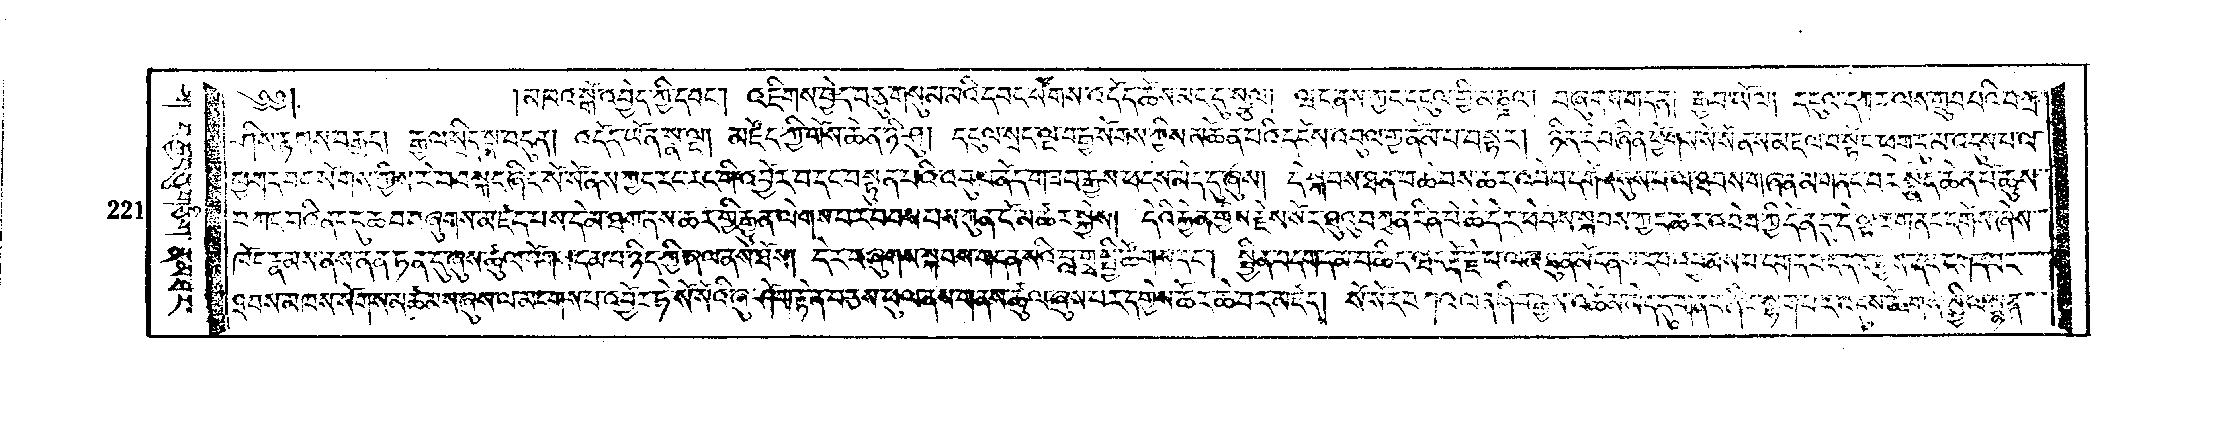༄༅། །མཁའ་སྒོ་འབྱེད་ཀྱི་དབང་། འཇིགས་བྱེད་བཅུ་གསུམ་མའི་དབང་སོགས་འདོད་ཆོས་མང་དུ་སྩལ། ཝང་ནས་ཀྱང་དངུལ་གྱི་མཎྜལ། བཞུགས་གདན། རྒྱབ་ཡོལ། དངུལ་དཀར་ལས་གྲུབ་པའི་བཀྲ་
ཤིས་རྟགས་བརྒྱད། རྒྱལ་སྲིད་སྣ་བདུན། འདོད་ཡོན་སྣ་ལྔ། མཛོད་ཀྱི་གོས་ཆེན་ཉི་ཤུ། དངུལ་སྲད་ལྔ་བརྒྱ་སོགས་ཀྱིས་མཆོན་པའི་དངོས་འབུལ་གྱ་ནོམ་པ་བསྟར། ཉིན་རི་བཞིན་ཕྱོགས་སོ་སོ་ནས་མཇལ་བ་སྟོང་ཕྲག་དུ་མ་འདུས་པ་ལ་
ཕྱག་དབང་སོགས་ཀྱིས་རེ་བ་བསྐང་ཞིང་སོ་སོ་ནས་ཀྱང་རང་རང་གི་འབྱོར་བ་དང་བསྟུན་པའི་འབུལ་ནོད་གཟབ་རྒྱས་ཕངས་མེད་དུ་ཞུས། དེ་སྐབས་ཐན་པ་ཆེ་བས་ཆར་འབེབ་དགོས་ཞུས་པ་ལ་ཐབས་གཞན་མ་གནང་བར་སྣོད་ཆེན་པོ་ཆུས་
བཀང་བའི་ནང་དུ་ཆབ་བཞུགས་མཛད་པས་དེ་མ་ཐག་ནས་ཆར་གྱི་རྒྱུན་ལེགས་པར་བབས་པས་ཀུན་ངོ་མཚར་སྐྱེས། དེའི་རྐྱེན་གྱིས་རྗེས་སོར་ཐུའུ་བཀྭན་རིན་པོ་ཆེ་དེར་ཕེབས་སྐབས་ཀྱང་ཆར་འབེབ་ཀྱི་དོན་དུ་དེ་ལྟར་གནང་དགོས་ཞེས་
ཁོང་རྣམས་ནས་ནན་ཏན་དུ་ཞུས་ཚུལ་སོགས་དམ་པ་ཉིད་ཀྱི་ཞལ་ནས་ཐོས། དེར་བཞུགས་སྐབས་གདན་སའི་བླ་གྲྭ་སྤྱི་ཚོགས་དང་། སྦྱིན་བདག་དམ་པ་ཆིང་ཝང་རྡོ་རྗེ་ཕ་ལམ་ཐུན་མོང་ནས་རབ་འབྱམས་པ་ངག་དབང་དར་རྒྱས་དང་ངག་དབང་
ཐབས་མཁས་སོགས་མཚམས་ཞུས་ལ་མངགས་པ་འབྱོར་ཏེ་སོ་སོའི་ཞུ་ཤོག་རྟེན་བཅས་ཕུལ་ནས་གནས་ཚུལ་ཞུས་པར་དགྱེས་ཚོར་ཆེ་བར་མཛད། སོ་སོར་བཀའ་ལན་ཞིབ་རྒྱས་འཚོམ་མེད་དུ་གནང་ཞིང་ལྷག་པར་འདུས་ཚོགས་སྤྱི་ལ་སྙན་